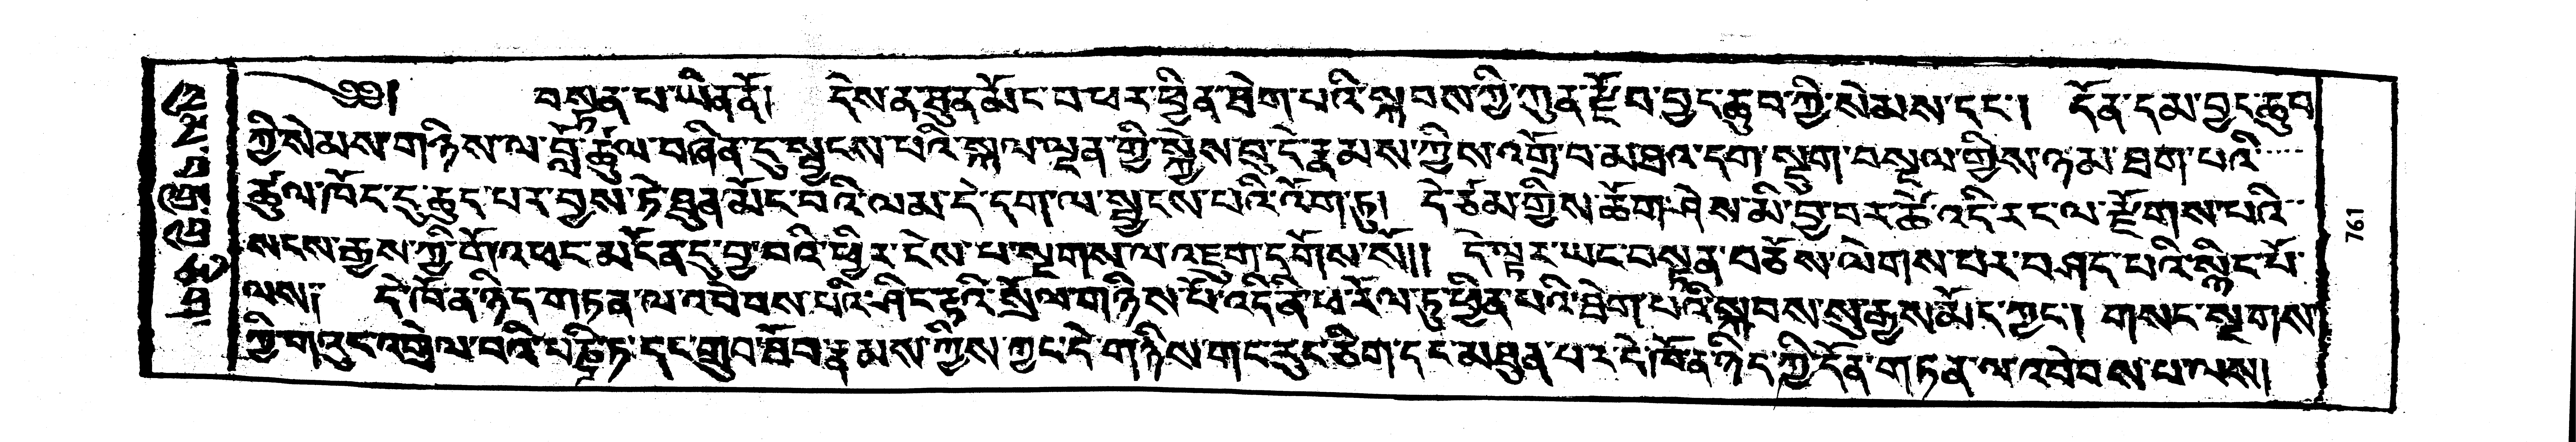༄༅། །བསྟན་པ་ཡིན་ནོ། དེས་ན་ཐུན་མོང་བ་ཕར་ཕྱིན་ཐེག་པའི་སྐབས་ཀྱི་ཀུན་རྫོབ་བྱང་ཆུབ་ཀྱི་སེམས་དང་། དོན་དམ་བྱང་ཆུབ་
ཀྱི་སེམས་གཉིས་ལ་བློ་ཚུལ་བཞིན་དུ་སྦྱངས་པའི་སྐལ་ལྡན་གྱི་སྐྱེས་བུ་དེ་རྣམས་ཀྱིས་འགྲོ་བ་མཐའ་དག་སྡུག་བསྔལ་གྱིས་ཉམ་ཐག་པའི་
ཚུལ་ཁོང་དུ་ཆུད་པར་བྱས་ཏེ་ཐུན་མོང་བའི་ལམ་དེ་དག་ལ་སྦྱངས་པའི་འོག་ཏུ། དེ་ཙམ་གྱིས་ཆོག་ཤེས་མི་བྱ་བར་ཚེ་འདི་རང་ལ་རྫོགས་པའི་
སངས་རྒྱས་ཀྱི་གོ་འཕང་མངོན་དུ་བྱ་བའི་ཕྱིར་ངེས་པ་སྔགས་ལ་འཇུག་དགོས་སོ།། དེ་ལྟར་ཡང་བསྟན་བཅོས་ལེགས་པར་བཤད་པའི་སྙིང་པོ་
ལས༑ དེ་ཁོ་ན་ཉིད་གཏན་ལ་འབེབས་པའི་ཤིང་རྟའི་སྲོལ་གཉིས་པོ་འདི་ནི་ཕ་རོལ་ཏུ་ཕྱིན་པའི་ཐེག་པའི་སྐབས་སུ་རྒྱས་མོད་ཀྱང་། གསང་སྔགས་
ཀྱི་གཞུང་འགྲེལ་བའི་པཎྜི་ཏ་དང་གྲུབ་ཐོབ་རྣམས་ཀྱིས་ཀྱང་དེ་གཉིས་གང་རུང་ཅིག་དང་མཐུན་པར་དེ་ཁོ་ན་ཉིད་ཀྱི་དོན་གཏན་ལ་འབེབས་པ་ལས།